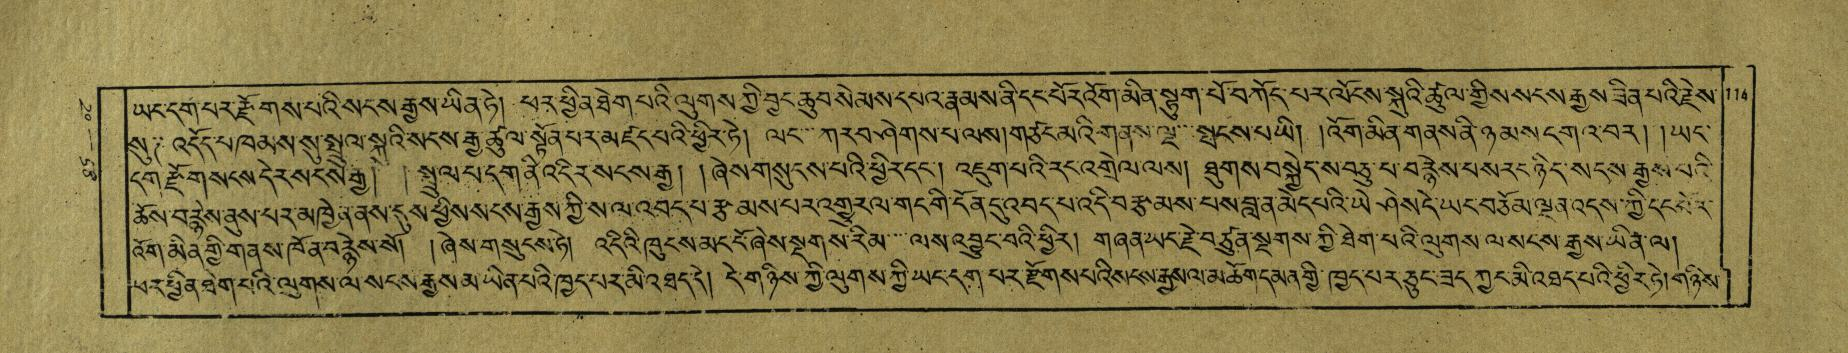ཡང་དག་པར་རྫོགས་པའི་སངས་རྒྱས་ཡིན་ཏེ། ཕར་ཕྱིན་ཐེག་པའི་ལུགས་ཀྱི་བྱང་ཆུབ་སེམས་དཔའ་རྣམས་ནི་དང་པོར་འོག་མིན་སྟུག་པོ་བཀོད་པར་ལོངས་སྐུའི་ཚུལ་གྱིས་སངས་རྒྱས་ཟིན་པའི་རྗེས་
སུ༑ འདོད་པ་ཁམས་སུ་སྤྲུལ་སྐུའི་སངས་རྒྱ་ཚུལ་སྟོན་པར་མཛད་པའི་ཕྱིར་ཏེ། ལང་ཀར་བཤེགས་པ་ལས། གཙང་མའི་གནས་ལྔ་སྤངས་པ་ཡི། །འོག་མིན་གནས་ནི་ཉམས་དགའ་བར། །ཡང་
དག་རྫོགས་སངས་དེར་སངས་རྒྱ། །སྤྲུལ་པ་དག་ནི་འདིར་སངས་རྒྱ། །ཞེས་གསུངས་པའི་ཕྱིར་དང་། འཇུག་པའི་རང་འགྲེལ་ལས། ཐུགས་བསྐྱེད་ས་བཅུ་པ་བརྙེས་པས་རང་ཉིད་སངས་རྒྱས་པའི་
ཆོས་བརྙེས་ནུས་པར་མཁྱེན་ནས་དུས་ཕྱིས་སངས་རྒྱས་ཀྱི་ས་ལ་འབད་པ་རྩམས་པར་འགྱུར་ལ་གང་གི་དོན་དུ་འབད་པ་འདི་བརྩམས་པས་བླ་ན་མེད་པའི་ཡེ་ཤེས་དེ་ཡང་བཅོམ་ལྡན་འདས་ཀྱི་དང་པོར་
འོག་མིན་གྱི་གནས་ཁོ་ན་བརྙེས་སོ། །ཞེས་གསུངས་ཏེ། འདིའི་ཁུངས་མང་ངོ་ཞེས་སྔགས་རིམ་ལས་འབྱུང་བའི་ཕྱིར། གཞན་ཡང་རྗེ་བཙུན་སྔགས་ཀྱི་ཐེག་པའི་ལུགས་ལ་སངས་རྒྱས་ཡིན་ལ།
ཕར་ཕྱིན་ཐེག་པའི་ལུགས་ལ་སངས་རྒྱས་མ་ཡིན་པའི་ཁྱད་པར་མི་འཐད་དེ། དེ་གཉིས་ཀྱི་ལུགས་ཀྱི་ཡང་དག་པར་རྫོགས་པའི་སངས་རྒྱས་ལ་མཆོག་དམན་གྱི་ཁྱད་པར་ཅུང་ཟད་ཀྱང་མི་འཐད་པའི་ཕྱིར་ཏེ། གཉིས་